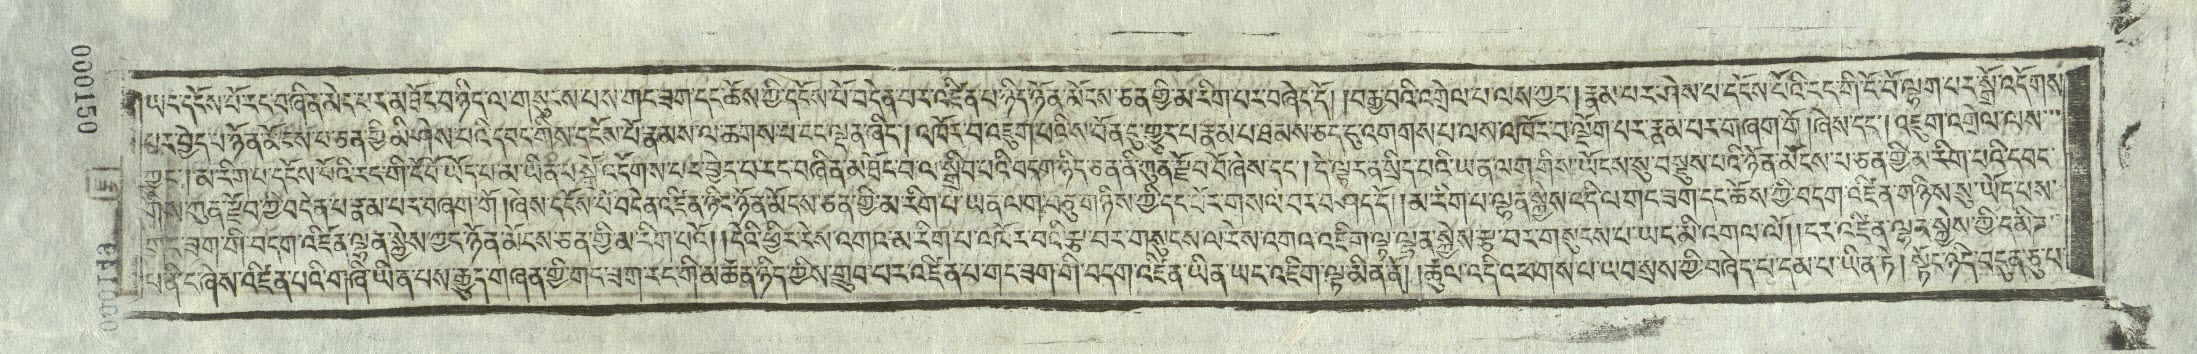ཡང་དངོས་པོ་རང་བཞིན་མེད་པར་མཐོང་བ་ཉིད་ལ་གསུངས་པས་གང་ཟག་དང་ཆོས་ཀྱི་དངོས་པོ་བདེན་པར་འཛིན་པ་ཉིད་ཉོན་མོངས་ཅན་གྱི་མ་རིག་པར་བཞེད་དོ། །བརྒྱ་བའི་འགྲེལ་བ་ལས་ཀྱང་། རྣམ་པར་ཤེས་པ་དངོས་པོའི་རང་གི་ངོ་བོ་ལྷག་པར་སྒྲོ་འདོགས་
པར་བྱེད་པ་ཉིན་མོངས་པ་ཅན་གྱི་མི་ཤེས་པའི་དབང་གིས་དངོས་པོ་རྣམས་ལ་ཆགས་པ་དང་ལྡན་ཞིང་། འཁོར་བ་འཇུག་པའི་ས་བོན་དུ་གྱུར་པ་རྣམ་པ་ཐམས་ཅད་དུ་འགགས་པ་ལས་འཁོར་བ་ལྡོག་པར་རྣམ་པར་གཞག་གོ། ཞེས་དང་། འཇུག་འགྲེལ་ལས་
ཀྱང་། མ་རིག་པ་དངོས་པོའི་རང་གི་ངོ་བོ་ཡོད་པ་མ་ཡིན་པ་སྒྲོ་འདོགས་པར་བྱེད་པ་རང་བཞིན་མཐོང་བ་ལ་སྒྲིབ་པའི་བདག་ཉིད་ཅན་ནི་ཀུན་རྫོབ་བོ་ཞེས་དང་། དེ་ལྟར་ན་སྲིད་པའི་ཡན་ལག་གིས་ཡོངས་སུ་བསྡུས་པའི་ཉོན་མོངས་པ་ཅན་གྱི་མ་རིག་པའི་དབང་
གིས་ཀུན་རྫོབ་ཀྱི་བདེན་པ་རྣམ་པར་བཞག་གོ། ཞེས་དངོས་པོ་བདེན་འཛིན་ཉིད་ཉོན་མོངས་ཅན་གྱི་མ་རིག་པ་ཡན་ལག་བཅུ་གཉིས་ཀྱི་དང་བོར་གསལ་བར་བཤད་དོ། །མ་རིག་པ་ལྷན་སྐྱེས་འདི་ལ་གང་ཟག་དང་ཆོས་ཀྱི་བདག་འཛིན་གཉིས་སུ་ཡོད་པས་
གང་ཟག་གི་བདག་འཛིན་ལྷན་སྐྱེས་ཀྱང་ཉོན་མོངས་ཅན་གྱི་མ་རིག་པའོ། །དེའི་ཕྱིར་རེས་འགའ་མ་རིག་པ་འཁོར་བའི་རྩ་བར་གསུངས་ལ་རེས་འགའ་འཇིག་ལྟ་ལྷན་སྐྱེས་རྩ་བར་གསུངས་པ་ཡང་མི་འགལ་ལོ། །ངར་འཛིན་ལྷན་སྐྱེས་ཀྱི་དམིགས་
པ་ནི་ང་ཞེས་འཛིན་པའི་གཞི་ཡིན་པས་རྒྱུད་གཞན་གྱི་གང་ཟག་རང་གི་མཚན་ཉིད་ཀྱིས་གྲུབ་པར་འཛིན་པ་གང་ཟག་གི་བདག་འཛིན་ཡིན་ཡང་འཇིག་ལྟ་མིན་ནོ། །ཚུལ་འདི་འཕགས་པ་ཡབ་སྲས་ཀྱི་བཞེད་པ་དམ་པ་ཡིན་ཏེ། སྟོང་ཉིད་བདུན་ཅུ་པ་